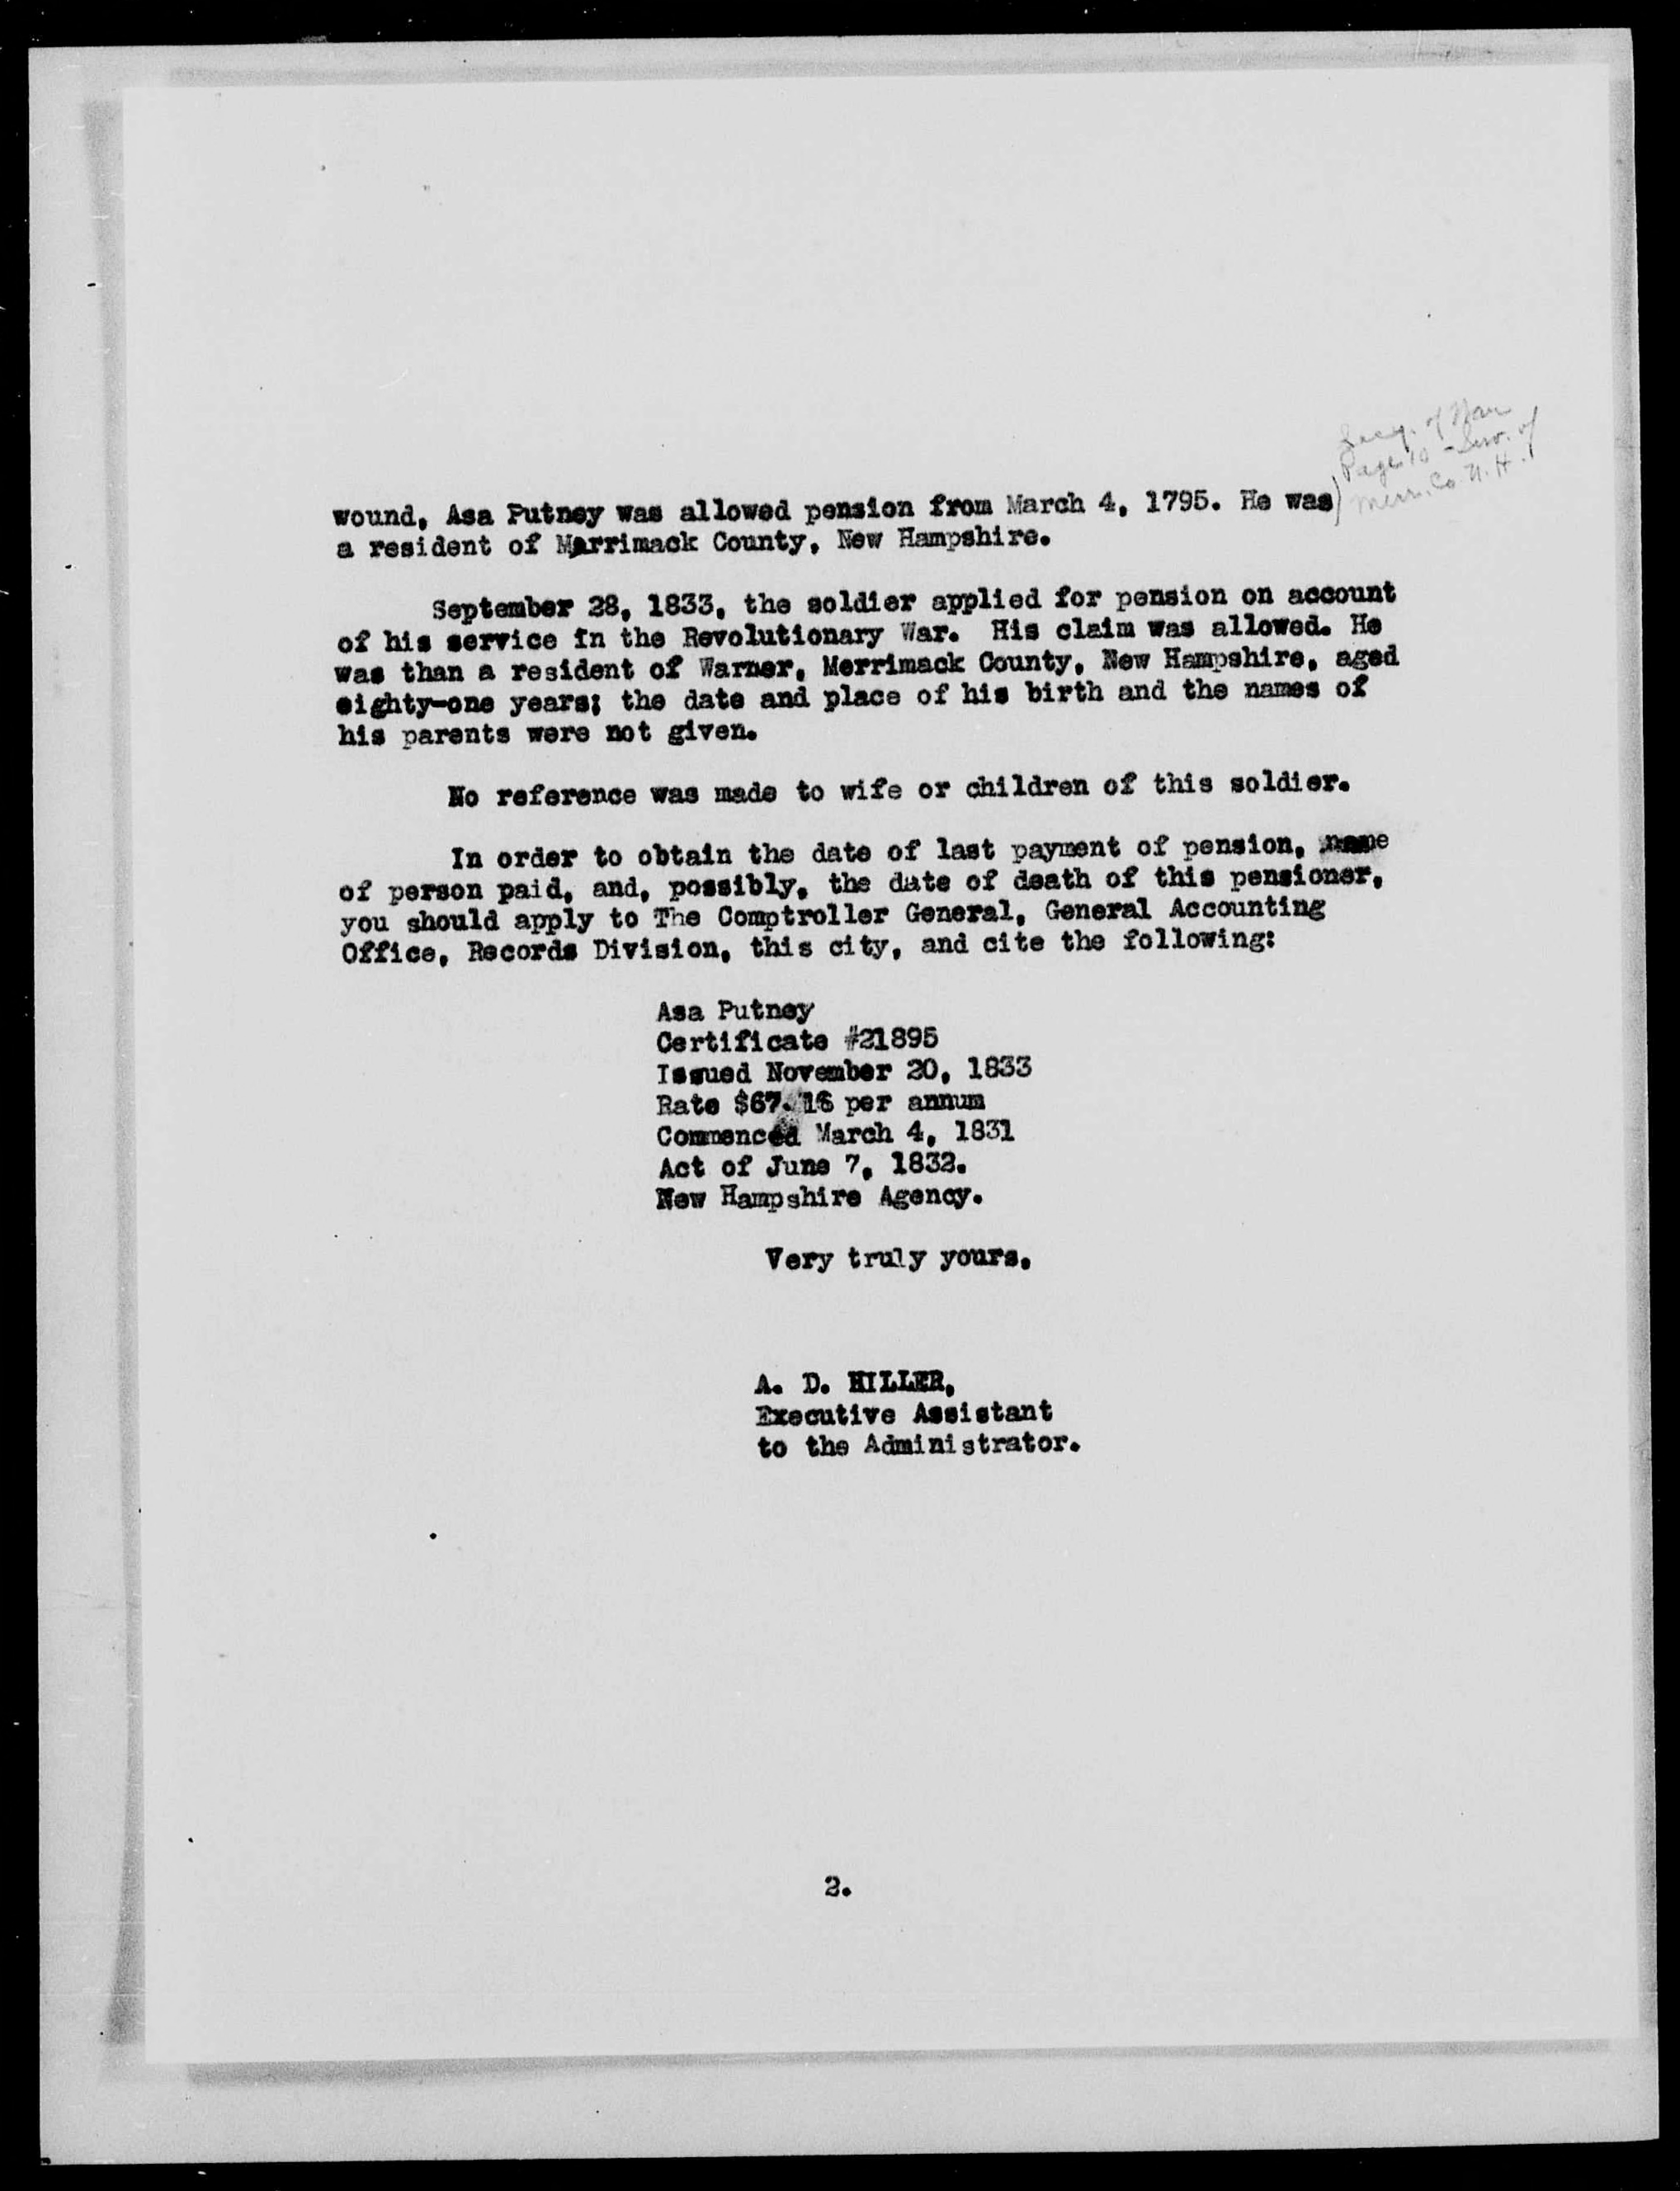wound, Asa Putney was allowed pension from March 4, 1795.  He was a resident of Merrimack County, New Hampshire.
[written in margin to the right of the above paragraph]  Secy. of War  Page 10--Serv. of Merr. Co. N.H.

September 28, 1833, the soldier applied for pension on account of his service in the Revolutionary War.  His claim was allowed.  He was then a resident of Warner, Merrimack County, New Hampshire, aged eighty-one years; the date and place of his birth and the names of his parents were not given.

We reference was made to wife or children of this soldier.

In order to obtain the date of last payment of pension, name of person paid, and, possibly, the date of death of this pensioner, you should apply to The Comptroller General, General Accounting Office, Records Division, this city, and cite the following:

Asa Putney
Certificate #21895
Issued November 20, 1833
Rate $67.16 per annum
Commenced March 4, 1831
Act of June 7, 1832.
New Hampshire Agency.

Very truly yours,
A. D. HILLER,
Executive Assistant
to the Administrator.

2.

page: 8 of 14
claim: survivor's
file: S. 22943, for Asa Putney, New Hampshire